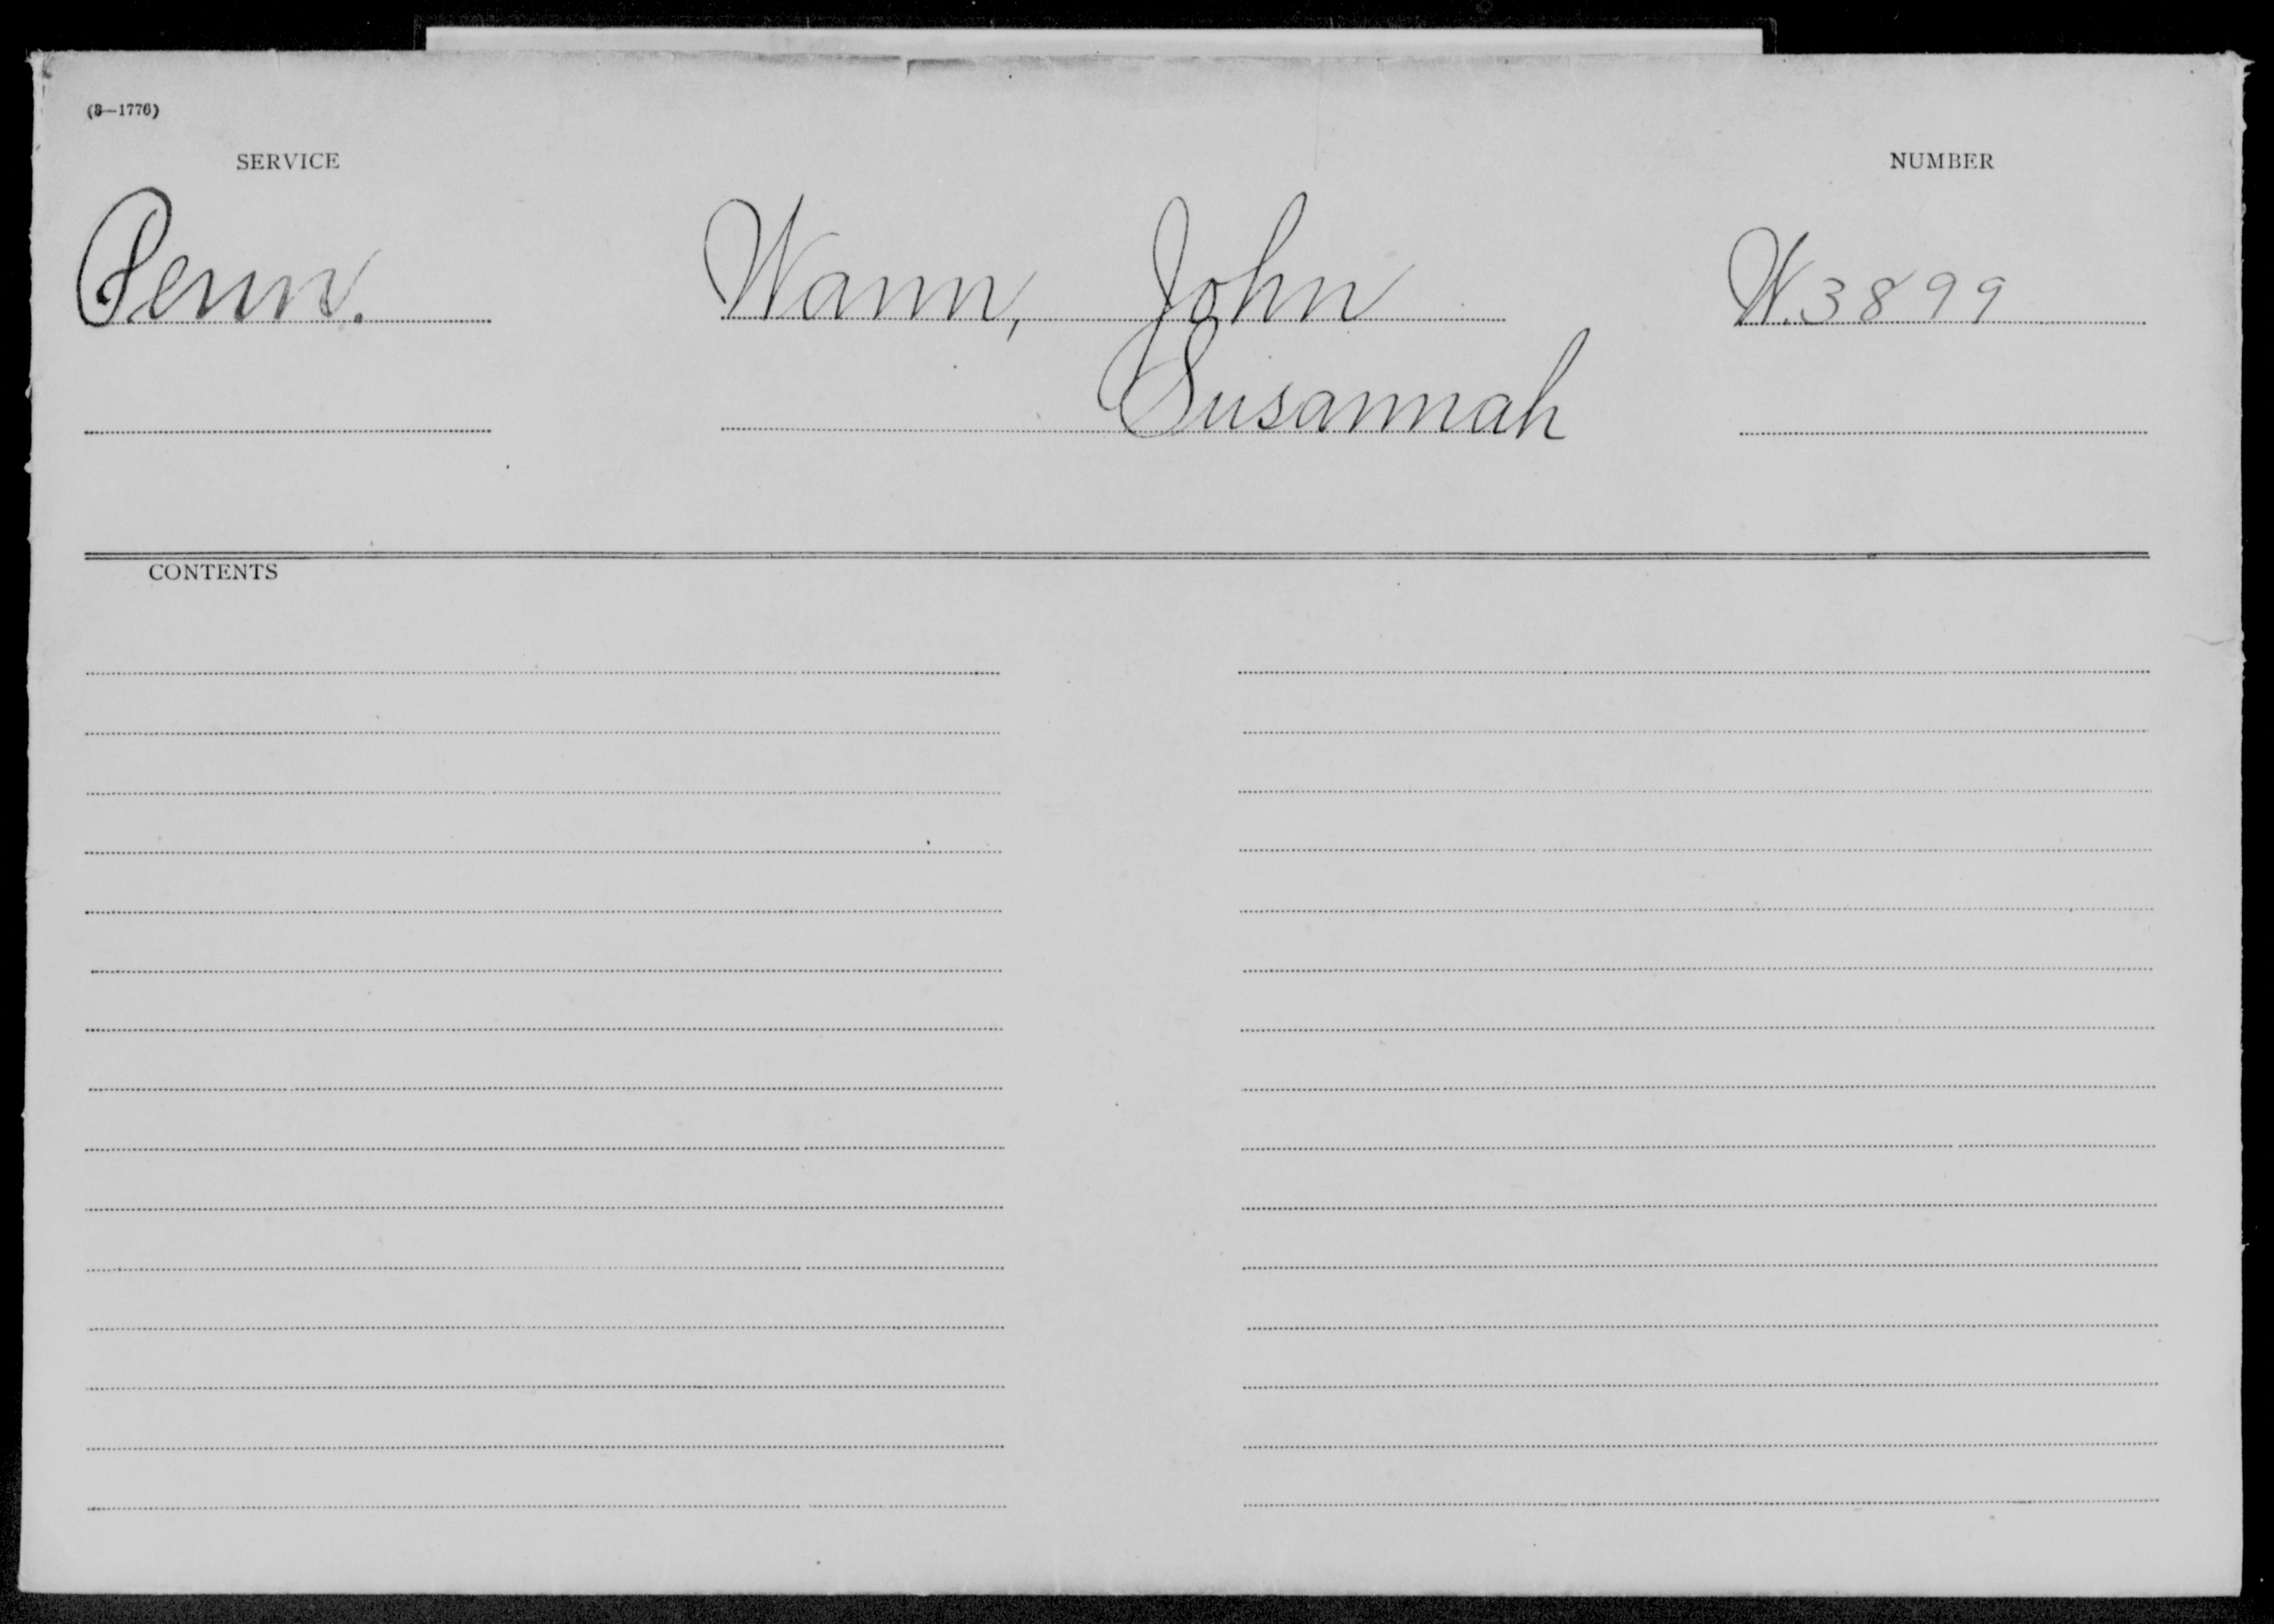(3 - 1776)
SERVICE  NUMBER
Penn.  Wann, John W.   3899
Susannah
CONTENTS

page: 1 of 38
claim: widow's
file: W. 3899, John Wann, Penn.